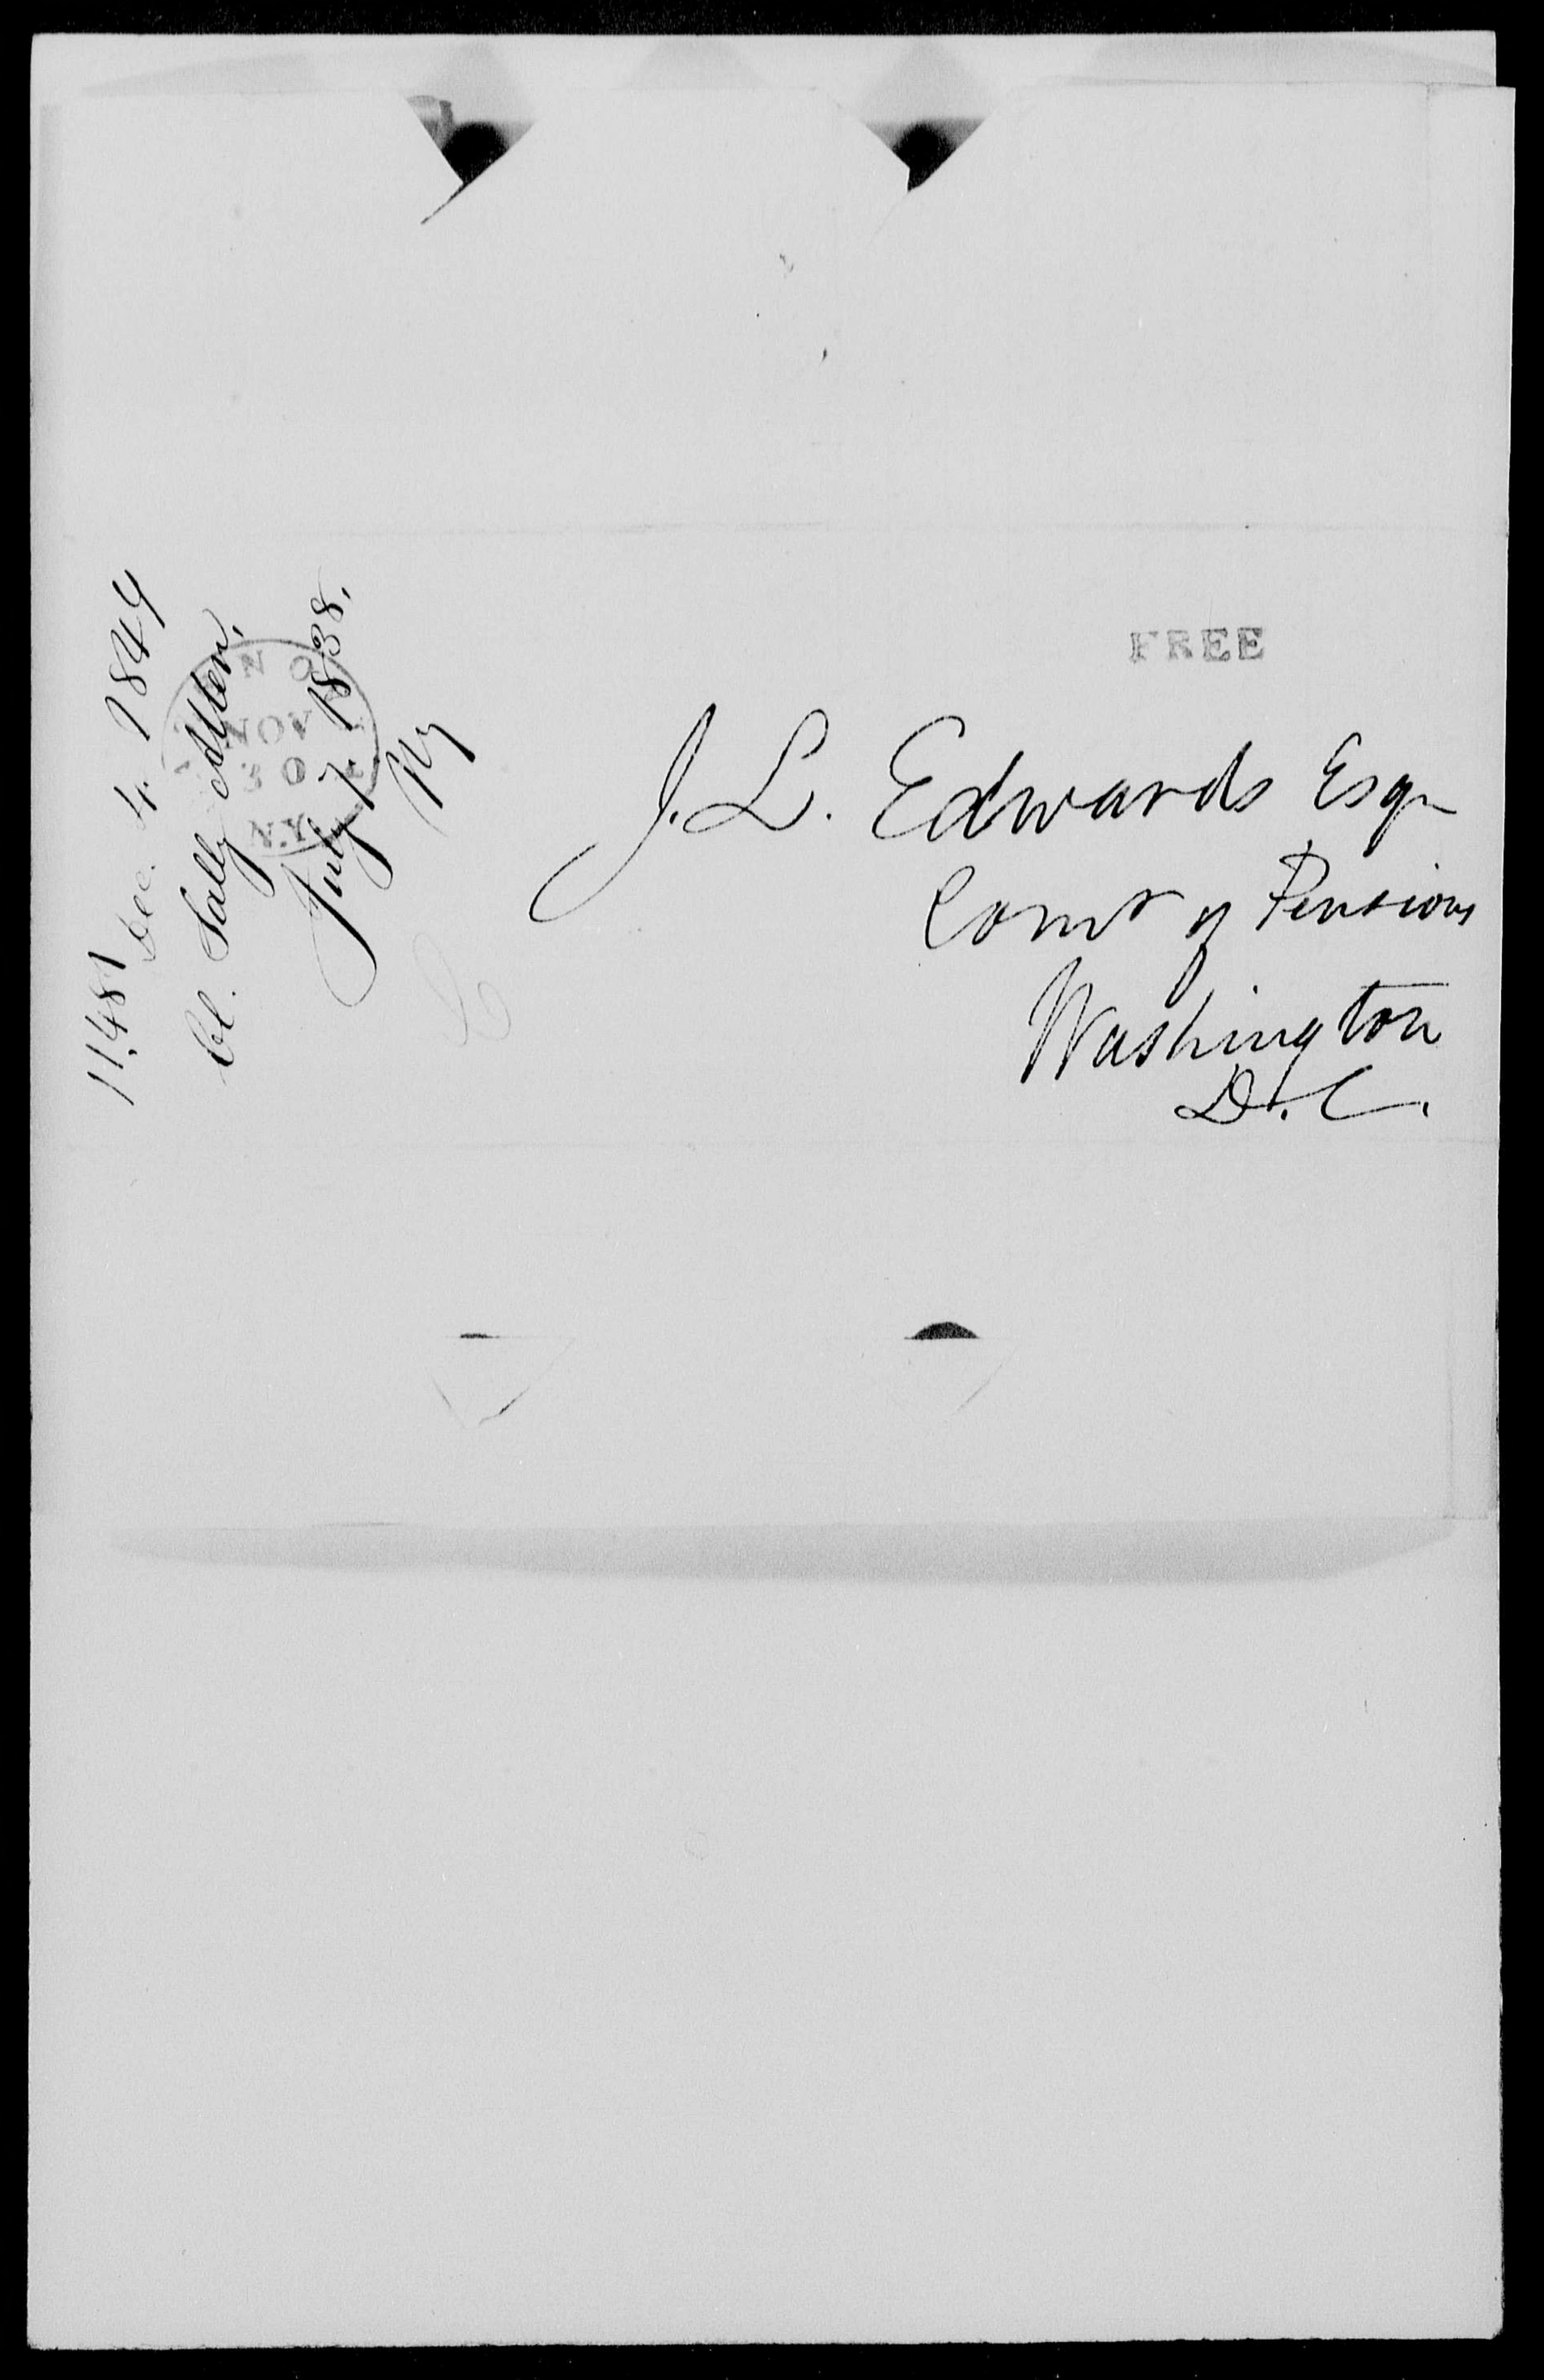[left side vertical over postmark]
[turn clockwise]
11481 Dec. 4. 1844
Cl. Sally Allen,
July 7 1838
Ny

[left side postmark] November 30 NY

[center postmark] FREE

J.L. Edwards Esq
Comr of Pensions
Washington
D.C.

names: Sally Allen, J L Edwards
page: 57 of 74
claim: widow's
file: W. 23424, John Allen, Mass. R. I.